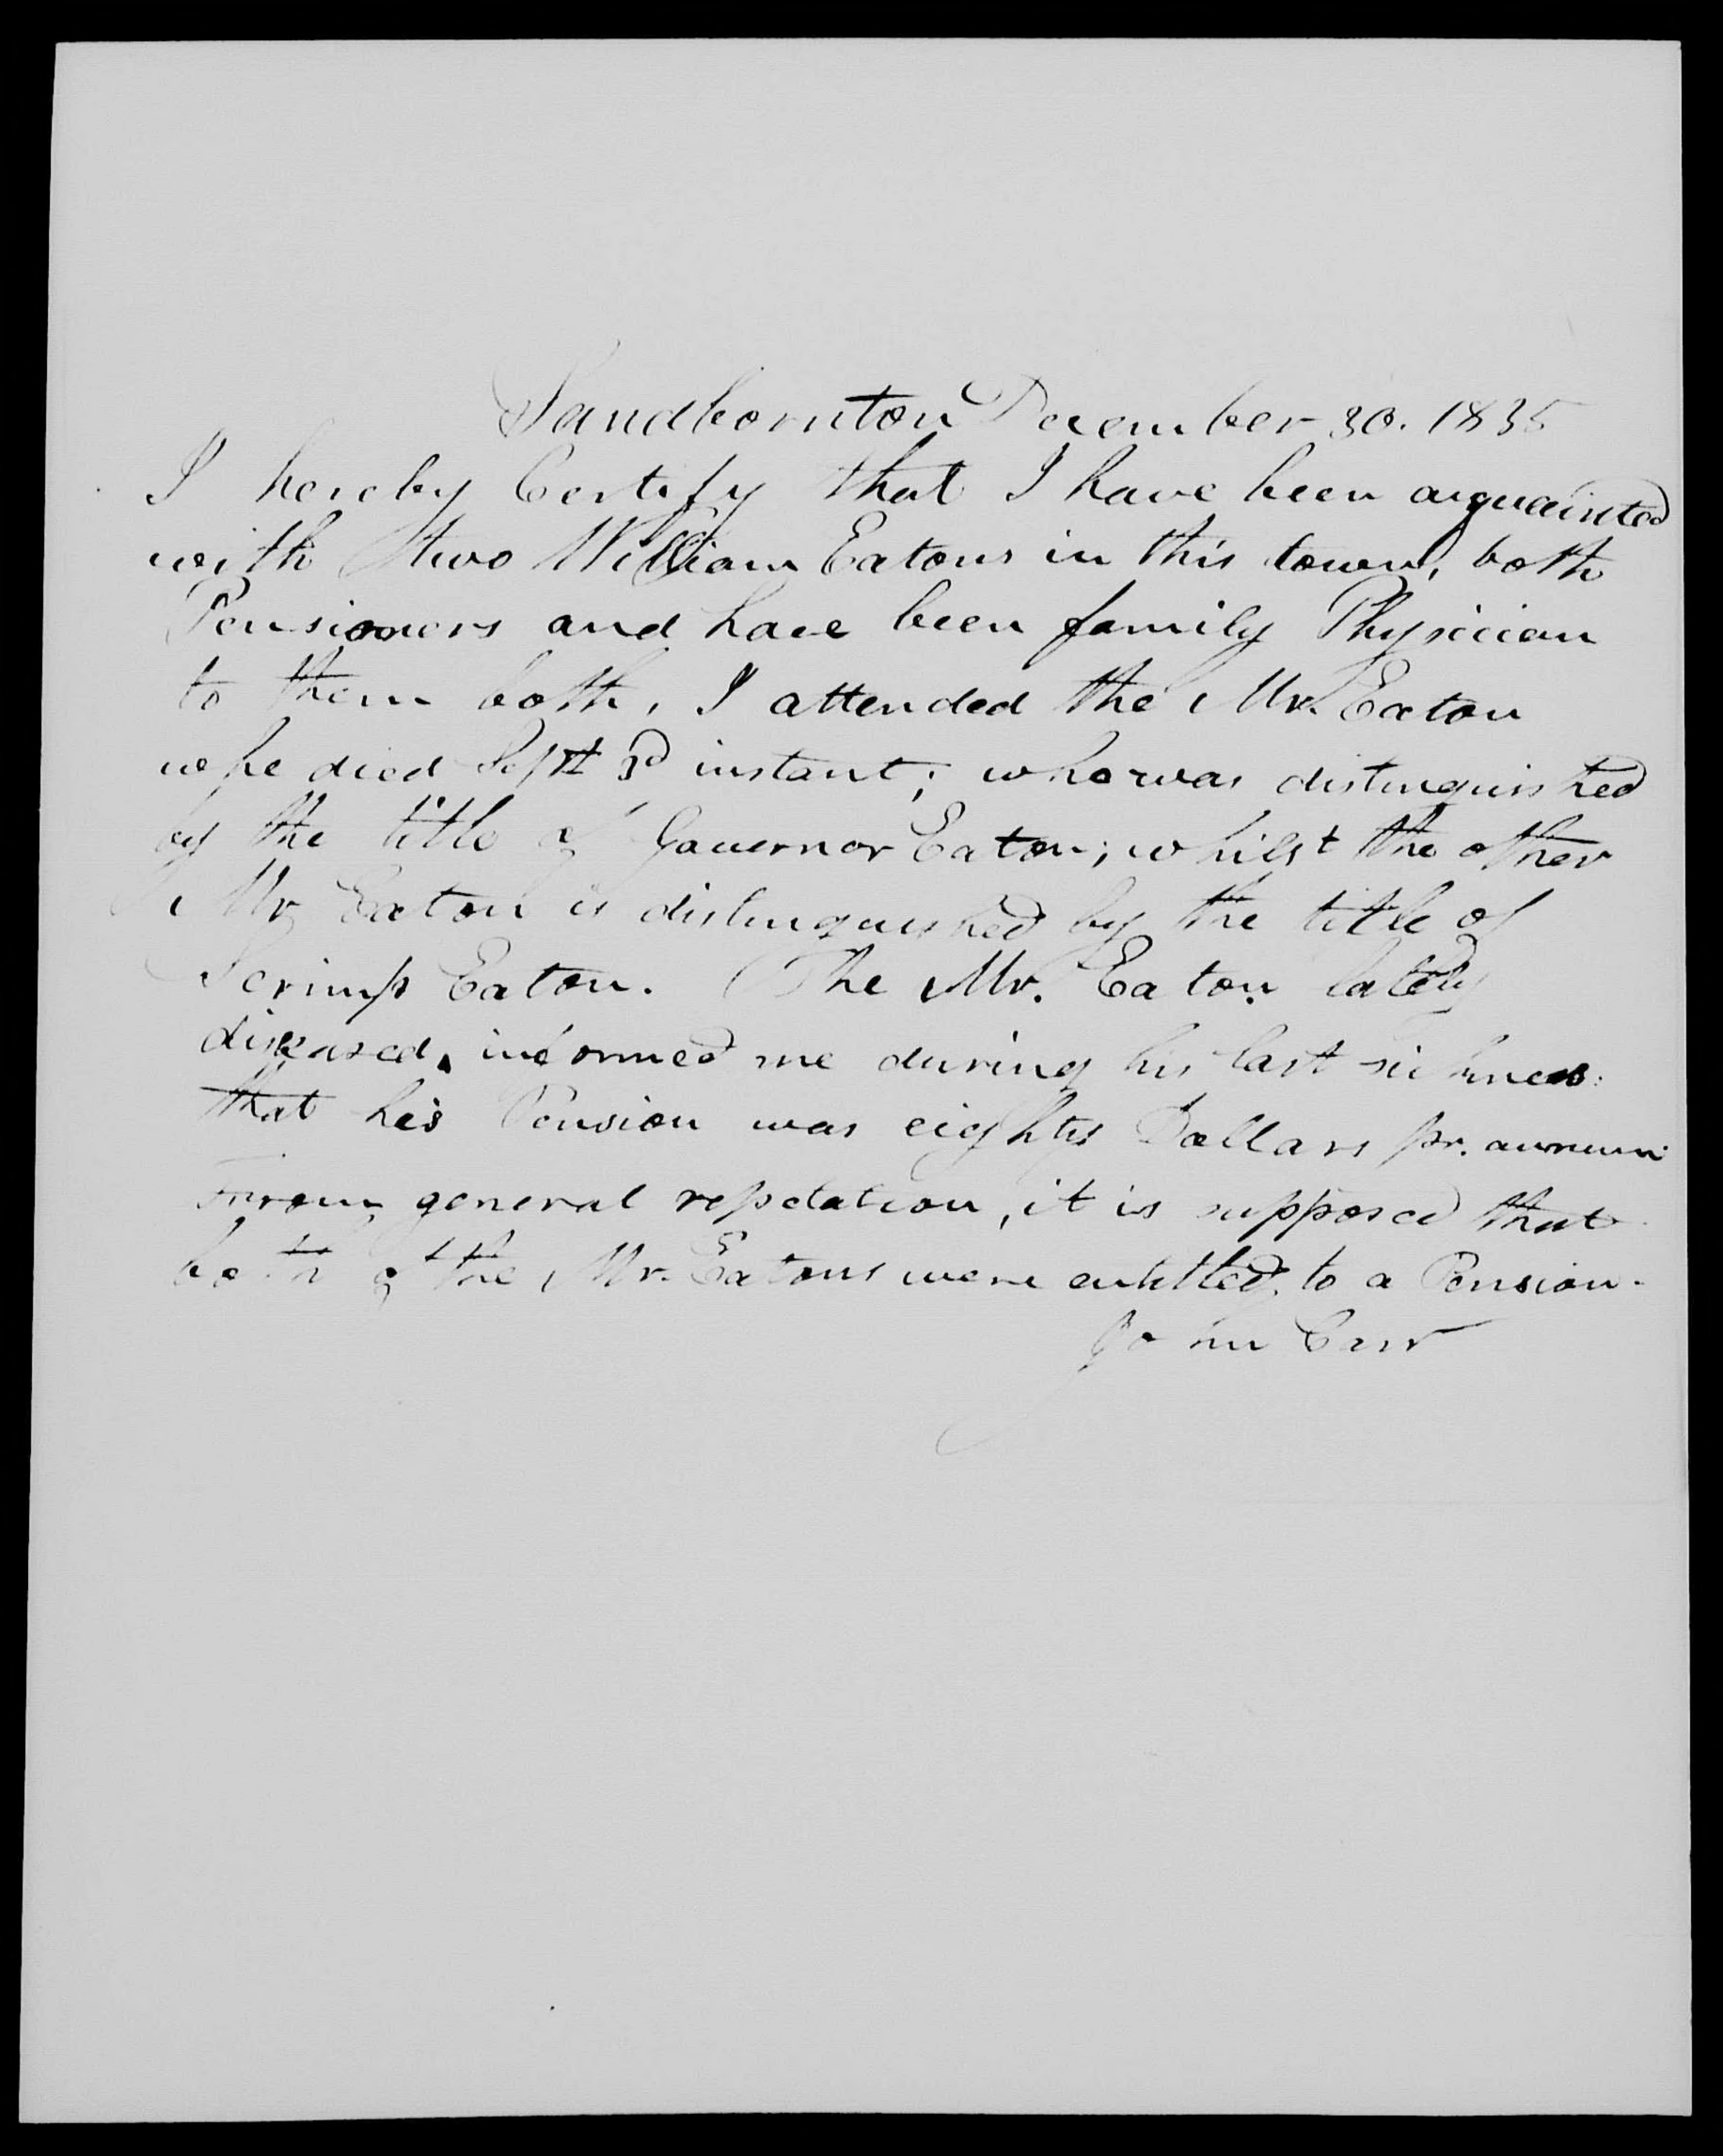Sandbornton December 30, 1835 

I hereby certify that I have been acquainted with two William Eaton in this town, both Pensioners and have been family Physician to them both, I attended the Mr. Eaton I who died with Sept 3d instant, who was distinguished by the title of Governor Eaton; whilst the other Mr Eaton is distinguished by the title of Scrimp Eaton. The Mr. Eaton lately disposed informed me during his last sickness. that his pension was eighty Dollars pr annum from general reputation, it is supposed that both of the Mr. Eatons were entitled to a Pension 
John Carr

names: Scrimp Eaton, Eaton, Eaton, Eaton, Eaton, William Eaton, John Carr, Eaton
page: 9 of 21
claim: survivor's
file: S. 16374, William Eaton, Continental Mass. N.H.